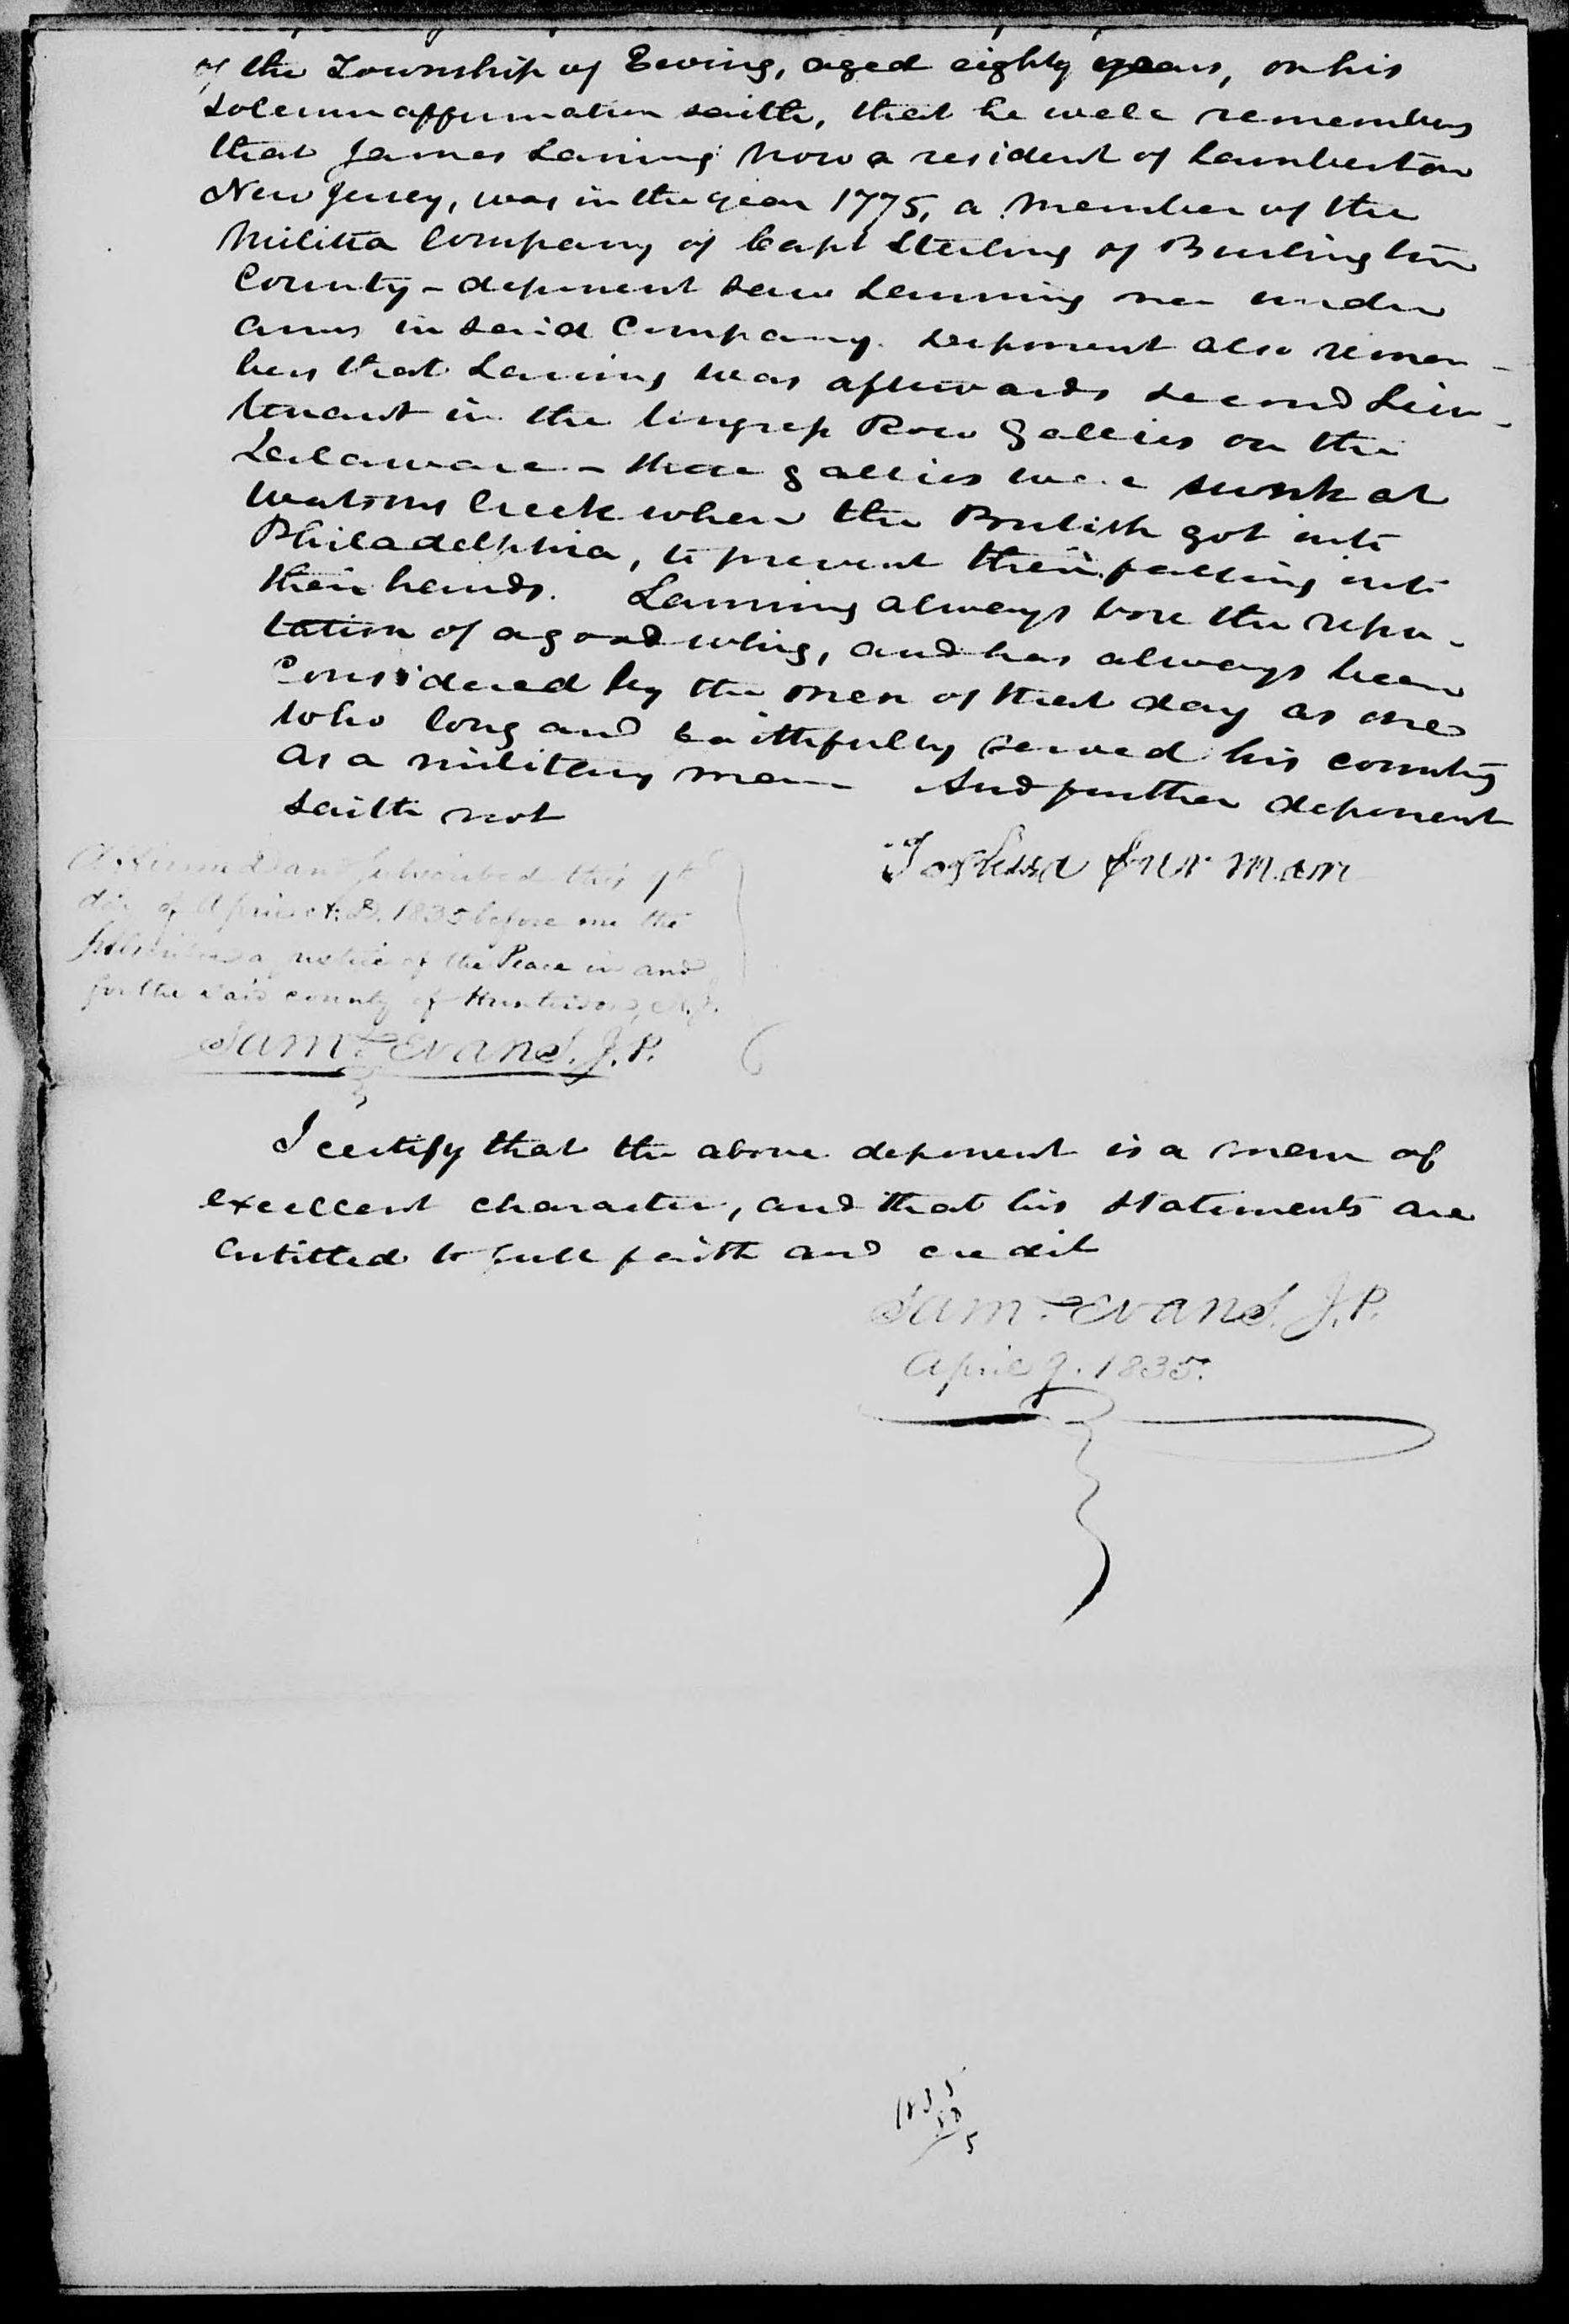of the Township of Ewing, aged eighty years, on his solemn affirmation saith, that he well remembers that James Laning now a resident of Lamberton New Jersey, was in the year 1775, a member of the Militia Company of Capt Sterling of Burlington County _ deponent saw Lanning was under arms in said company. Deponent also remembers that Laning was afterwards Second Lieutenant in the Congress Row Gallies on the Delaware _ those gallies were sunk at Watsons Creek when the British got into Philadelphia, to prevent their falling into their hands. Lanning always bore the reputation of a good Whig, and has always been considered by the men of that day as one who long and faithfully served his country as a military man _ And further deponent saith not
Joshua Furman

Affirmed and subscribed this 1st}
day of April A. D. 1835 before me the}
Subscriber a Justice of the Peace in and}
for the said County of Hunterdon, N. J.}
Saml. Evans J. P.

I certify that the above deponent is a man of excellent character, and that his statements are entitled to full faith and credit
Saml. Evans J. P.
April 9. 1835.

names: Joshua Furman; James Laning; [BLANK] Sterling; Saml Evans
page: 38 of 39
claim: rejected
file: R. 6154, for James Laning, New Jersey